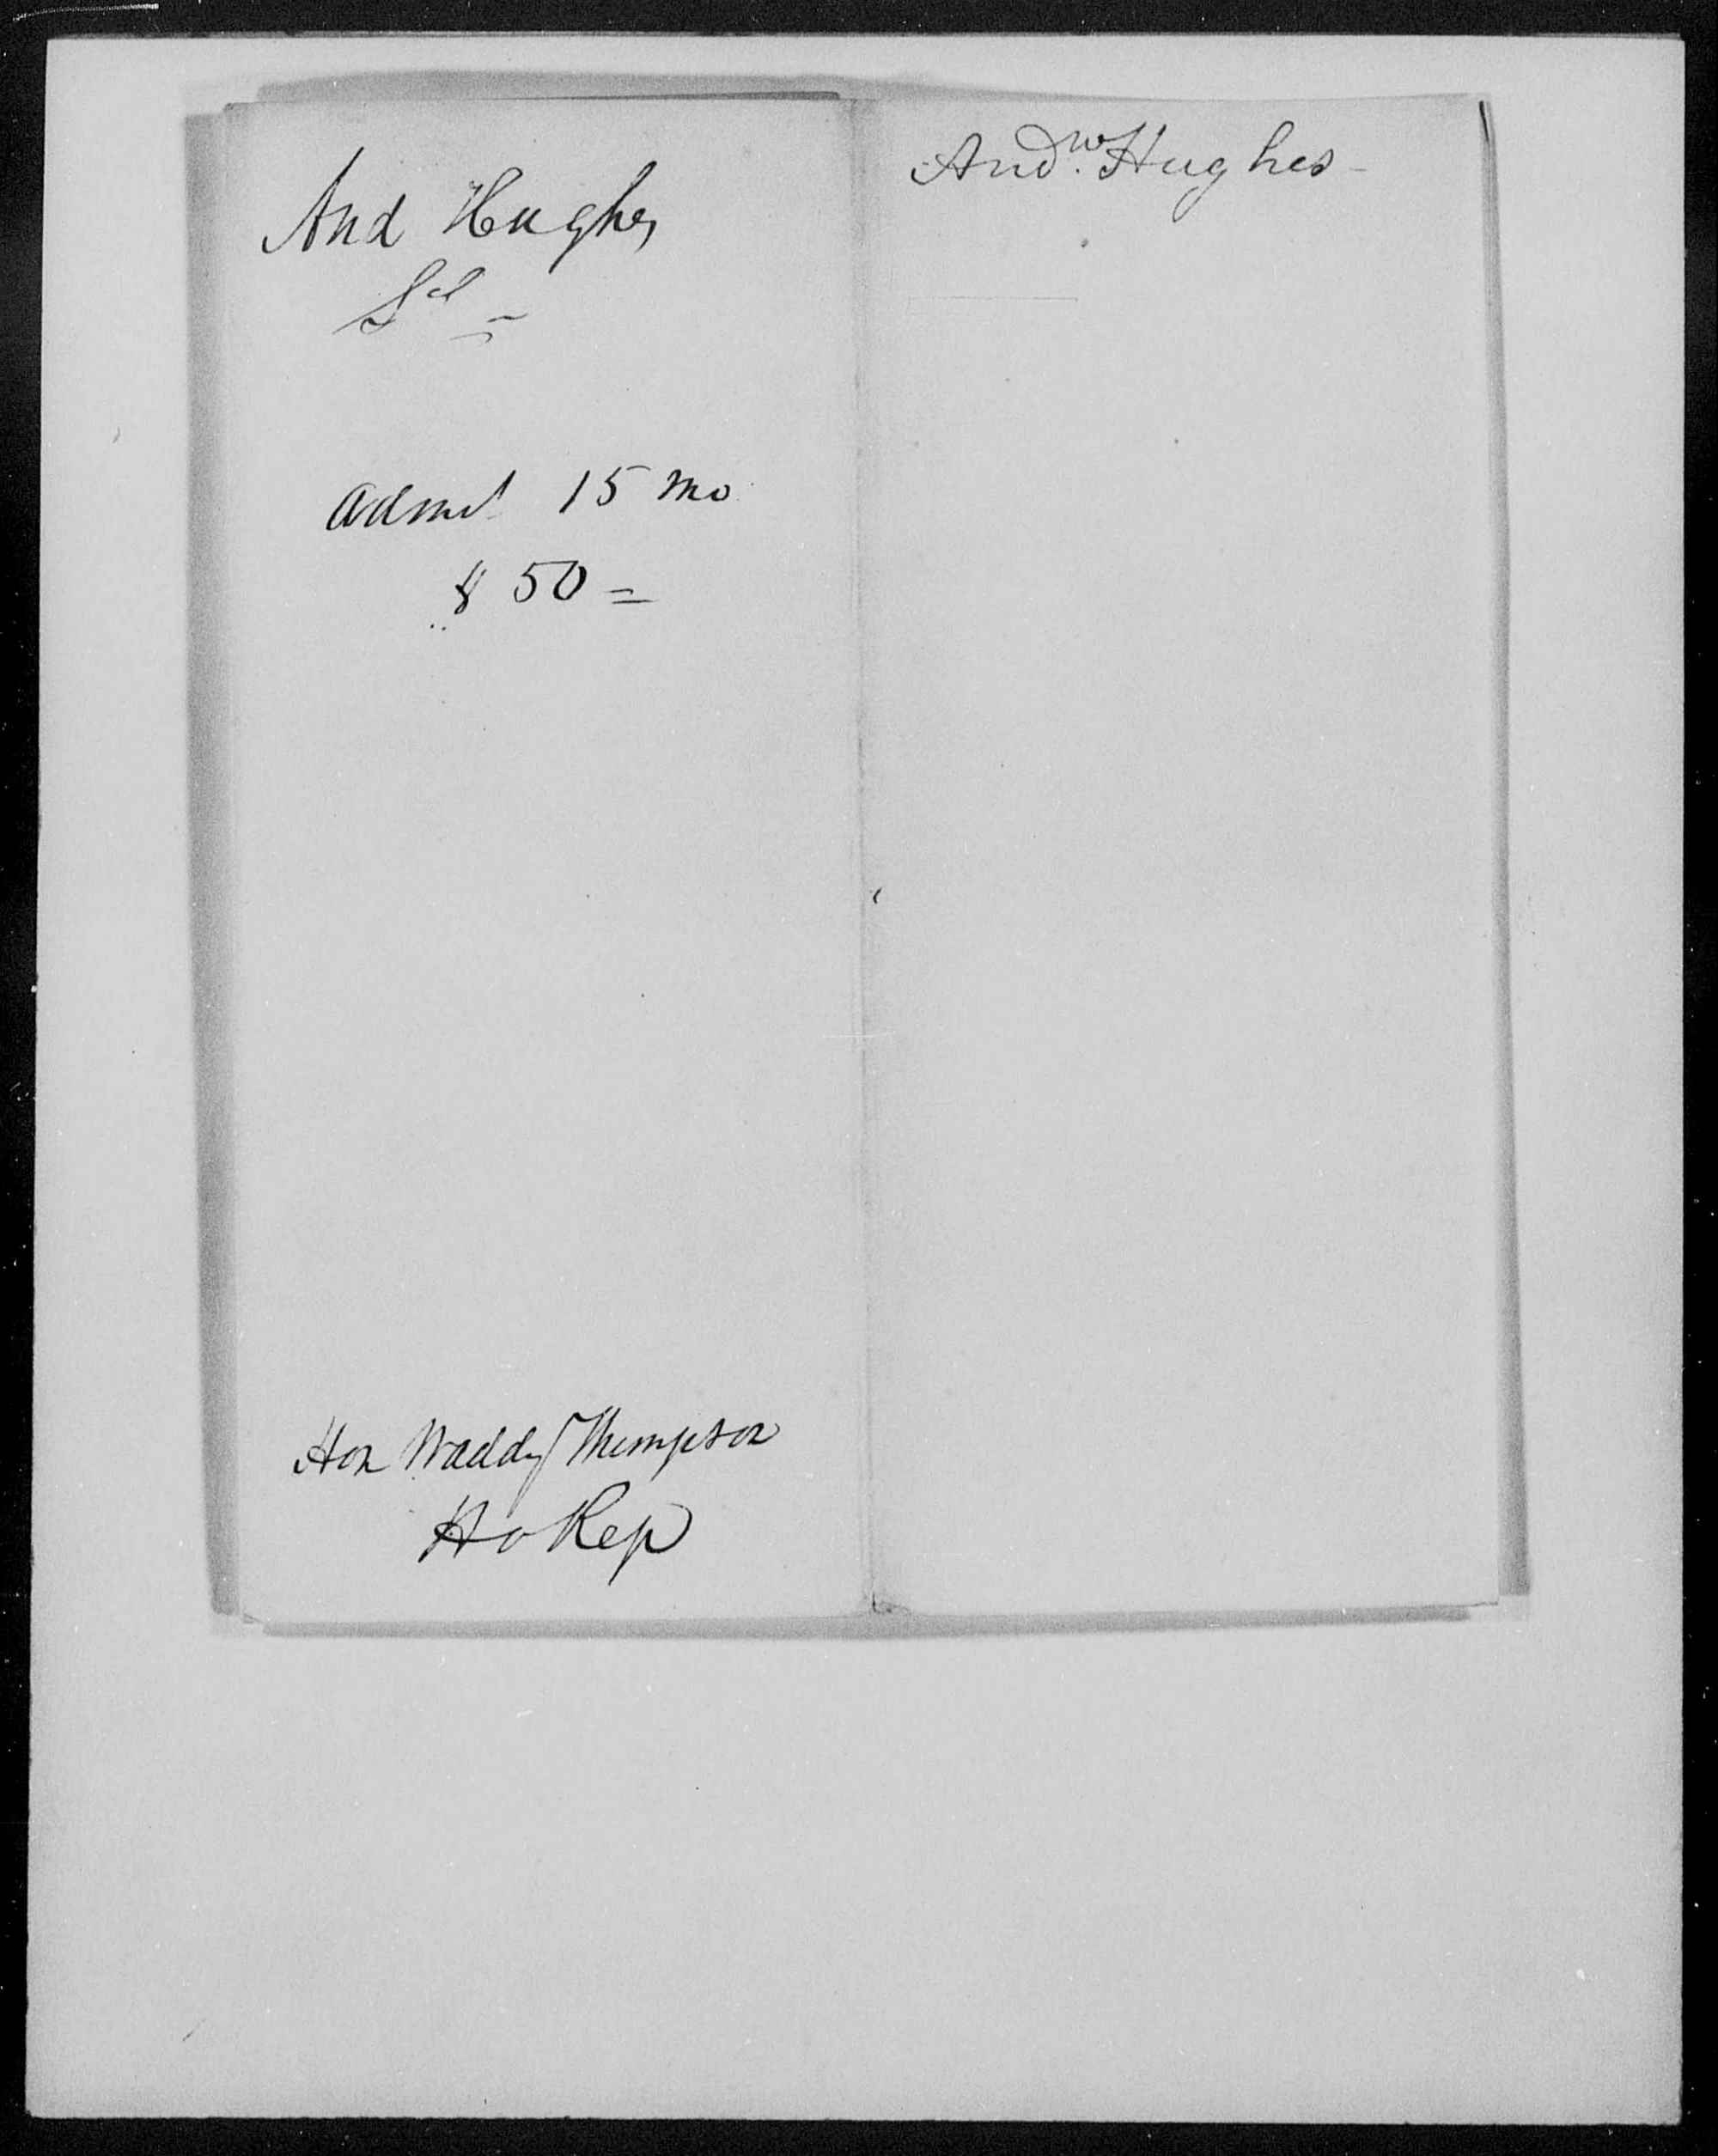And Hughes
S
Adm
15 mo
$50-
Hon Waddy Thompson
[illegible]
Andw Hughes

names: Andw Hughes, Waddy Thompson, And Hughes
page: 40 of 75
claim: widow's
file: W. 25805, Andrew Hughes, N.C.